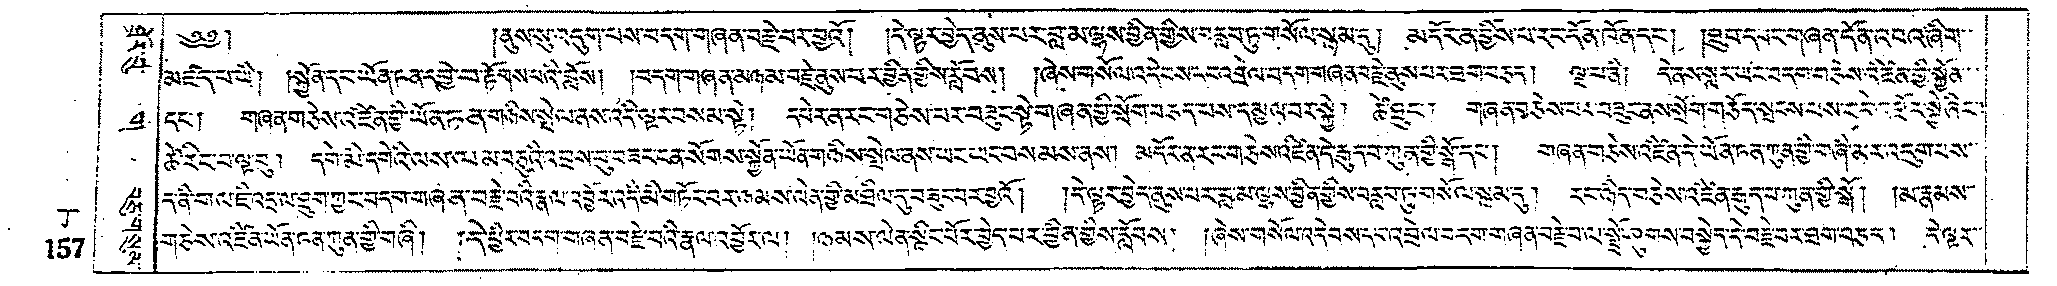༄༅། །ནུས་སུ་འདུག་པས་བདག་གཞན་བརྗེ་བར་བྱའོ། །དེ་ལྟར་བྱེད་ནུས་པར་བླ་མ་ལྷས་བྱིན་གྱིས་བརླབ་ཏུ་གསོལ་སྙམ་དུ། མདོར་ན་བྱིས་པ་རང་དོན་ཁོ་ན་དང་། །ཐུབ་དབང་གཞན་དོན་འབའ་ཞིག་་་
མཛད་པ་ཡི། །སྐྱོན་དང་ཡོན་ཏན་དབྱེ་བ་རྟོགས་པའི་བློས། །བདག་གཞན་མཉམ་བརྗེ་ནུས་པར་བྱིན་གྱིས་རློབས། །ཞེས་གསོལ་འདེབས་དང་འབྲེལ་བདག་གཞན་བརྗེ་ནུས་པར་ཐག་བཅད། ལྔ་པ་ནི། དེ་ནས་སླར་ཡང་བདག་གཅེས་འཛིན་གྱི་སྐྱོན་་་
དང་། གཞན་གཅེས་འཛིན་གྱི་ཡོན་ཏན་གཉིས་སྤེལ་ནས་འདི་ལྟར་བསམ་སྟེ། དཔེར་ན་རང་གཅེས་པར་བཟུང་སྟེ་གཞན་གྱི་སྲོག་བཅད་པས་དམྱལ་བར་སྐྱེ། ཚེ་ཐུང་། གཞན་གཅེས་པར་བཟུང་ནས་སྲོག་གཅོད་སྤངས་པས་བདེ་འགྲོར་སྐྱེ་ཞིང་།
ཚེར་རིང་བ་ལྟ་བུ། དགེ་མི་དགེའི་ལས་ལམ་བཅུའི་འབྲས་བུ་བཟང་ངན་སོགས་སྐྱོན་ཡོན་གཉིས་སྤེལ་ནས་ཡང་ཡང་བསམས་ནས། མདོར་ན་རང་གཅེས་འཛིན་དེ་རྒུད་པ་ཀུན་གྱི་སྒོ་དང་། གཞན་གཅེས་འཛིན་དེ་ཡོན་ཏན་ཀུན་གྱི་གཞི་མར་འདུག་པས་་་
ད་ནི་གལ་ཇི་འདྲ་ལ་ཐུག་ཀྱང་བདག་གཞན་བརྗེ་བའི་རྣལ་འབྱོར་འདི་མི་གཏོང་བར་ཉམས་ལེན་གྱི་མཐིལ་དུ་བཟུང་བར་བྱའོ། །དེ་ལྟར་བྱེད་ནུས་པར་བླ་མ་ལྷས་བྱིན་གྱིས་བརླབ་ཏུ་གསོལ་སྙམ་དུ། རང་ཉིད་གཅེས་འཛིན་རྒུད་པ་ཀུན་གྱི་སྒོ། །མ་རྣམྶ་་་
གཅེས་འཛིན་ཡོན་ཏན་ཀུན་གྱི་གཞི། །དེ་ཕྱིར་བདག་གཞན་བརྗེ་བའི་རྣལ་འབྱོར་ལ། །ཉམས་ལེན་སྙིང་པོར་བྱེད་པར་བྱིན་གྱིས་རློབས། །ཞེས་གསོལ་འདེབས་དང་འབྲེལ་བདག་གཞན་བརྗེ་བ་ལ་སྤྲོ་ཤུགས་བསྐྱེད་དེ་བརྗེ་བར་ཐག་བཅད། དེ་ལྟར་་་